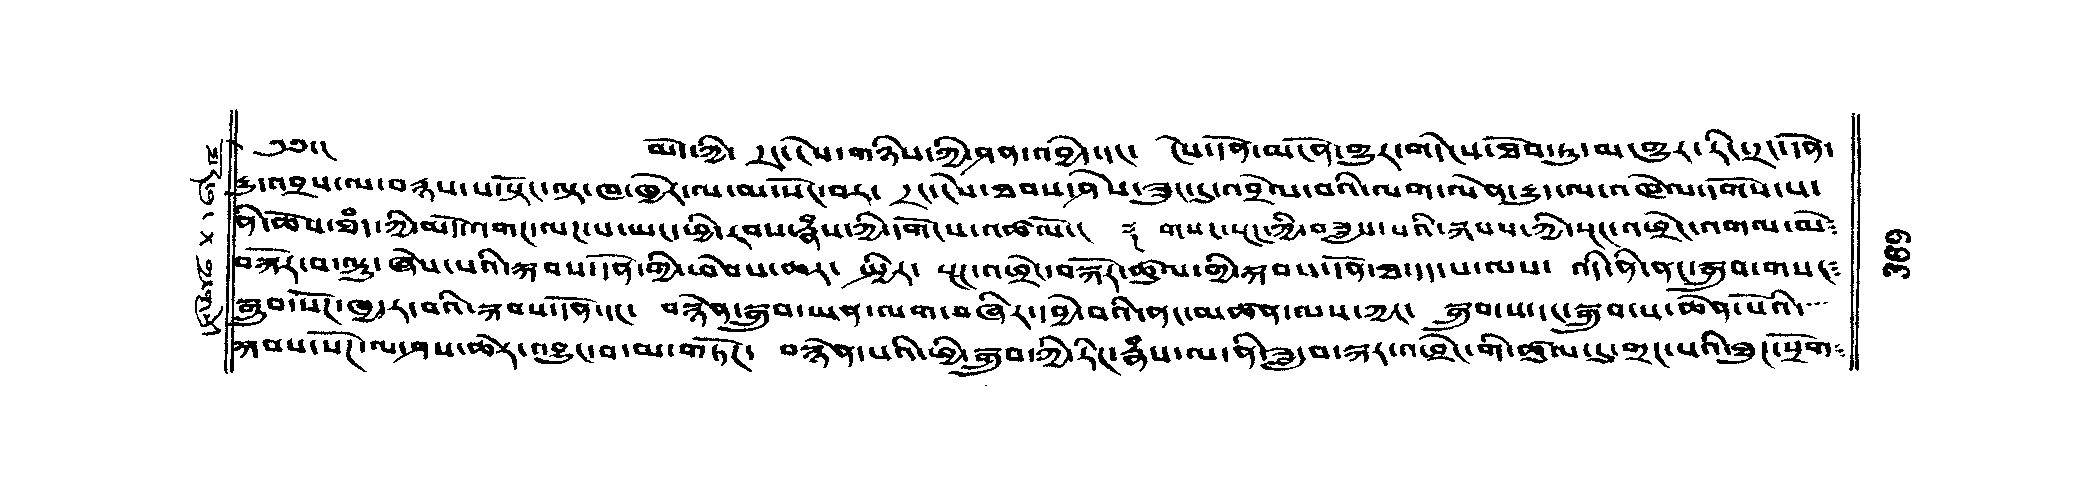མོདཔཀྱི། དྲངཔངེསཔགཉིསཔཀྱིཔཤནཔའབྱེདཔདངཔ། ངེསཔདོནཔམངོནཔགྱུརཔགདེངསཔཐོབཔཏཔམཔགྱུརཔརིངཔདྲངཔདོན
་པརྒྱུཔའབྲསཔལཔབརྙསཔ་འིཔསྟོངཔལྟཔཁཔཁྱེརཔལཔམཔསོངཔབར། དྲངཔངེསཔཐབསཔཤེསཔཟུངཔདུཔའབྲེལཔབའིཔལགཔལེནཔརྒྱུདཔལཔའཁེལཔདགོསཔ་པནིཔཆོསཔཐམསཔཅདཔཀྱིཔམདོཔའགགཔལགསཔ་པཡངཔཕྱིཔརབསཔརྣམསཔཀྱིཔདགོངསཔའཚལཔལོ། གསངཔསྔགསཔཀྱིཔབཟླསཔ་འིཔསྐབསཔཀྱིཔསྔགསཔཕྲེངཔའགལཔམེ་
པབསྐོརཔབཔལྟཔབུཔཞེསཔ་འིཔསྐབསཔདོནཔགྱིཔཕེབསཔཆར། སྤྱིརཔསྔགསཔའཕྲེངཔབསྐོརཔཚུལཔགྱིཔསྐབསཔདོནཔཐཔདདཔ་པལས། འདིཔནིཔནངཔསྒྲུབཔགསང་
སྒྲུབཔསོགསཔཁྱདཔ་རཔབའིཔསྐབསཔདོནཔདངཔ། བསྙེནཔསྒྲུབཔཡནཔལགཔབཞིརཔདབྱེཔབའིཔནངཔཚནཔལསཔཀྱངཔ། སྒྲུབཔ་པདངཔསྒྲུབཔཆེནཔ་ོ་
སྐབསཔསོགསཔལཔཤསཔཆེརཔའབྱུངཔབཔམཔགཏོགས། བསྙེནཔ་འིཔཕྱིཔསྒྲུབཔཀྱིཔརིངཔརྣམསཔལཔནིཔཟླཔབཔསྐརཔའཕྲེངཔགིཔཚུལཔདུཔགྲགསཔ་འིཔཐུགསཔསྲོགཔ